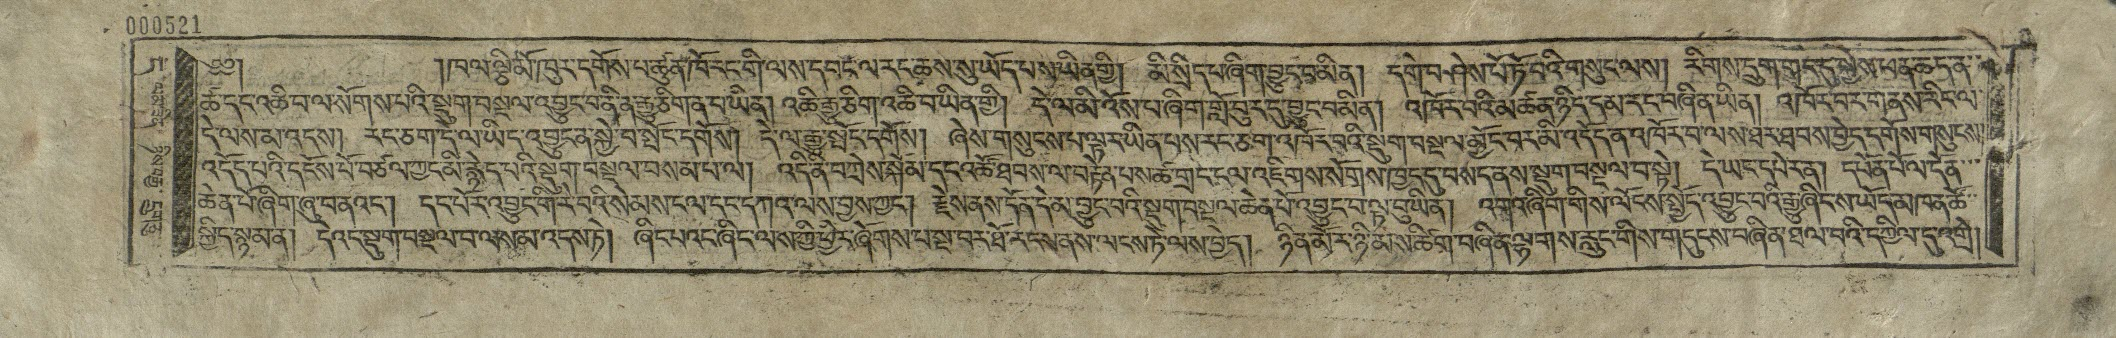༄༅། །ཁལ་ལྕི་མོ་ཁུར་དགོས་པ་ཚུན་ཁོ་རང་གི་ལས་དབང་ལ་རང་ཆས་སུ་ཡོད་པས་ཡིན་གྱི། མི་སྲིད་པ་ཞིག་བྱུང་བ་མིན། དགེ་བཤེས་པོ་ཏོ་བའི་གསུང་ལས། རིགས་དྲུག་གང་དུ་སྐྱེས་ཕན་ཆད་ན་
ཚ་དང་འཆི་བ་ལ་སོགས་པའི་སྡུག་བསྔལ་འབྱུང་བ་ནི་ན་རྒྱུ་ཅིག་ན་པ་ཡིན། འཆི་རྒྱུ་ཅིག་འཆི་བ་ཡིན་གྱི། དེ་ལ་མི་འོས་པ་ཞིག་གློ་བུར་དུ་བྱུང་བ་མིན། འཁོར་བའི་མཚན་ཉིད་དམ་རང་བཞིན་ཡིན། འཁོར་བར་གནས་རིང་ལ་
དེ་ལས་མ་འདས། རང་ཅག་དེ་ལ་ཡིད་འབྱུང་ན་སྐྱེ་བ་སྤོང་དགོས། དེ་ལ་རྒྱུ་སྤོང་དགོས། ཞེས་གསུངས་པ་ལྟར་ཡིན་པས་རང་ཅག་འཁོར་བའི་སྡུག་བསྔལ་མྱོང་བར་མི་འདོད་ན་འཁོར་བ་ལས་ཐར་ཐབས་བྱེད་དགོས་གསུངས།
འདོད་པའི་དངོས་པོ་བཙལ་ཀྱང་མི་རྙེད་པའི་སྡུག་བསྔལ་བསམ་པ་ལ། འདི་ནི་བཀྲེས་སྐོམ་དང་འཚོ་ཐབས་ལ་བརྟེན་པས་ཚ་གྲང་ངལ་འཇིགས་སོགས་ཁྱད་དུ་བསད་ནས་སྡུག་བསྔལ་བ་སྟེ། དེ་ཡང་དཔེར་ན། དཔོན་པོ་ལ་དོན་
ཆེན་པོ་ཞིག་ཞུ་བ་ནའང་། དང་པོར་འབྱུང་གི་རེ་བའི་སེམས་ངལ་དང་དཀའ་ལས་བྱས་ཀྱང་། རྗེས་ནས་དོན་དེ་མ་བྱུང་བའི་སྡུག་བསྔལ་ཆེན་པོ་འབྱུང་བ་ལྟ་བུ་ཡིན། འགའ་ཞིག་གིས་ལོངས་སྤྱོད་འབྱུང་བའི་རྒྱུ་ཞིང་ས་ཡོད་མཁན་ཚོ་
སྐྱིད་སྙམ་ན། དེའང་སྡུག་བསྔལ་བ་ལས་མ་འདས་ཏེ། ཞིང་པའང་ཞིང་ལས་ཀྱི་ཕྱིར་ཞོགས་པ་སྔ་བར་ཐོ་རངས་ནས་ལངས་ཏེ་ལས་བྱེད། ཉིན་མོར་ཉི་མས་ཚིག་བཞིན་ལྷགས་རླུང་གིས་གདུངས་བཞིན་ཐལ་བའི་དཀྱིལ་དུ་འགྲེ།